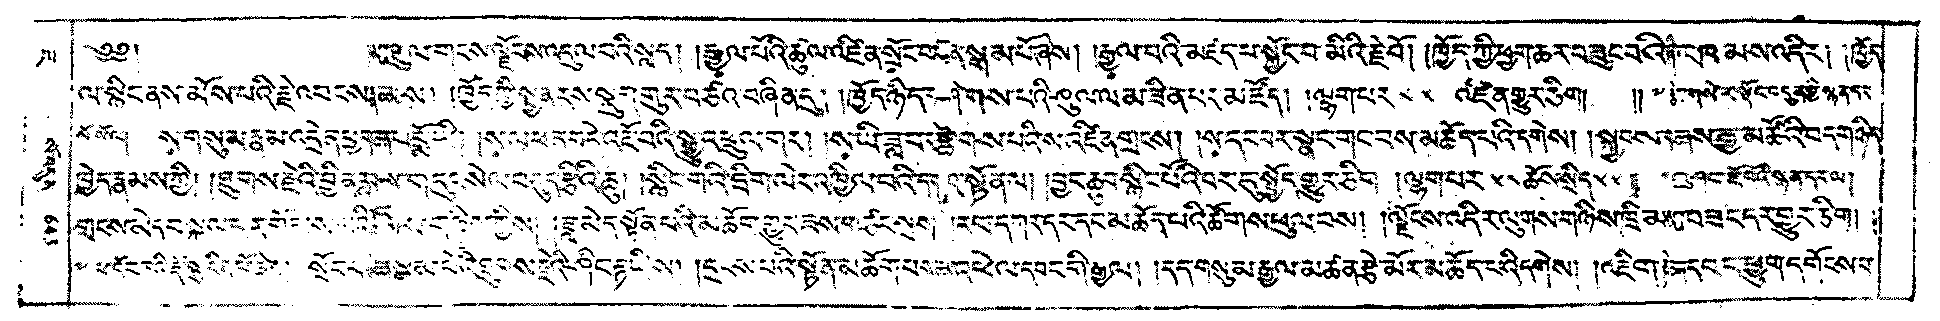༄༅། །མ་ཐུལ་གངས་ལྗོངས་འདུལ་བའི་སླད། །རྒྱལ྾་པོའི་ཚུལ་འཛིན་སྲོང྾་བཙན྾་སྒམ྾་པོ྾་ཞེས། །རྒྱལ྾་བའི་མཛད་པ་སྐྱོང་བ་མིའི་རྗེ་བོ། །ཁྱོད་ཀྱི་ཕྱག་ཆར་བཟུང་བའི་ཞིང་ཁམས་འདིར། །ཁྱོད་
ལ་སྙིང་ནས་མོས་པའི་རྗེ་འབངས་རྣམས། །ཁྱོད་ཀྱི་སྤྱན་རས་སྡུག་གུར་བཙའ་བཞིན་དུ། །ཁྱོད་ཉིད་གཤེགས་པའི་ཤུལ་ལམ་ཟིན་པར་མཛོད། །ལྷག་པར་྾་྾་འཛིན་གྱུར་ཅིག ། །། ༧་རྩེ་གསེར་སྡོང་བདུན་གྱི་སྙན་དར་
སོ་སོ་ལ། ས྾་གསུམ་རྣམ་འདྲེན་ཕྱག་ན་པདམོ་ཡི། །ས྾་ལ་ཕན་བདེ་འཇོ་བའི་སྒྱུ་འཕྲུལ་གར། །ས྾་ཡི་ཟླ་བ་བརྩེགས་པའི་ས་འཛིན་གྲངས། །ས྾་དང་བར་སྣང་གང་བས་མཆོད་པའི་དགེས། །སྐྱབས་གནས་རྒྱ་མཚོའི་བདག་ཉིད་
ཁྱེད་རྣམས་ཀྱི། །ཐུགས་རྗེའི་བྱིན་རླབས་གདུང་སེལ་བདུད་རྩིའི་ཆུ། །སྙིང་གའི་ཐིག་ལེར་འཁྱིལ་བའི་དགའ་སྟོན་ལ། །བྱང་ཆུབ་སྙིང་པོའི་བར་དུ་སྤྱོད་གྱུར་ཅིག །ལྷག་པར་྾་྾་ཆོས་སྲིད་྾་྾་།། ༧་འུ་ཤང་ཇོ་བོའི་སྙན་དར་ལ།
གྲངས་མེད་བསྐལ་པར་གོམས་པའི་ཚོགས་གཉིས་ཀྱིས། །ཟླ་མེད་སྟོན་པའི་མཆོག་གྱུར་ཟས་གཙང་སྲས། །རབ་དཀར་དར་དང་མཆོད་པའི་ཚོགས་ཕུལ་བས། །ལྗོངས་འདིར་ལུགས་གཉིས་ཁྲིམས་བཟང་དར་གྱུར་ཅིག ། །།
༧་ཕ་བོང་ཁའི་རྡོ་སྐུ་རིན་པོ་ཆེར། སྲོང་བཙན་སྒམ་པོའི་ཐུགས་རྗེའི་ཤིང་རྟ་ཡིས། །དྲངས་པའི་སྟོན་མཆོག་བསམ་འཕེལ་དབང་གི་རྒྱལ། །དད་གསུམ་རྒྱལ་མཚན་རྩེ་མོར་མཆོད་པའི་དགེས། །འཇིག་རྟེན་དབང་ཕྱུག་དགོངས་པ་